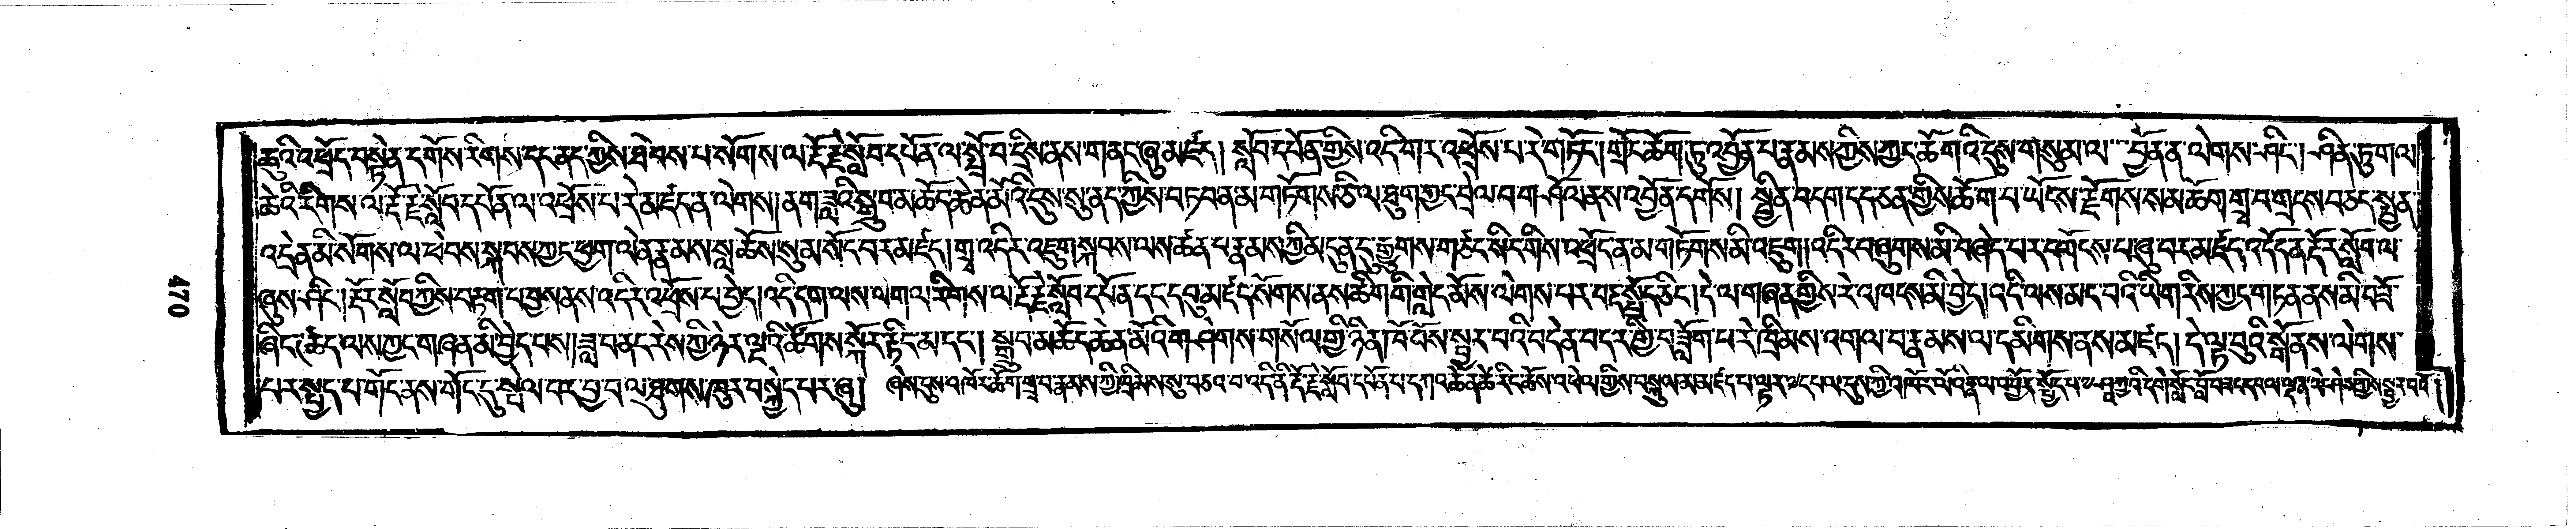ཆུའི་འཕྲོད་བསྟེན་དགོས་རིགས་དང་ནད་ཀྱིས་ཐེབས་པ་སོགས་ལ་རྡོ་རྗེ་སློབ་དཔོན་ལ་སྤྲོ་བ་དྲིས་ནས་གནང་ཞུ་མཛད། སློབ་དཔོན་གྱིས་འདི་གར་འཕྲོས་པ་རེ་གཏོང་། གྲོང་ཆོག་ཏུ་འབྱོན་པ་རྣམས་ཀྱིས་ཀྱང་ཆོ་གའི་དུས་གསུམ་ལ་བྱོན་ན་ལེགས་ཤིང་། ཤིན་ཏུ་གལ་
ཆེའི་རིགས་ལ་རྡོ་རྗེ་སློབ་དཔོན་ལ་འཕྲོས་པ་རེ་མཛད་ན་ལེགས། ནག་ཟླའི་སྒྲུབ་མཆོད་ཆེན་མོའི་དུས་སུ་ནད་ཀྱིས་བཏབ་ན་མ་གཏོགས་ཅི་ལ་ཐུག་ཀྱང་བྲེལ་བ་གཤོལ་ནས་འབྱོན་དགོས། སྦྱིན་བདག་དང་ཅན་གྱིས་ཆོག་པ་ཡོངས་རྫོགས་ས་མཆོག་གྲྭ་བ་གྲངས་བཅད་སྤྱན་
འདྲེན་མི་སོགས་ལ་ཕེབས་སྐབས་ཀྱང་ཕྱག་ལེན་རྣམས་སླ་ཆོས་སུམ་སོང་བར་མཛད། གྲྭ་འདིར་འཇུག་སྐབས་ལས་ཚན་པ་རྣམས་ཀྱི་མདུན་དུ་རྒྱུགས་གཙང་སིང་གིས་འཕྲོད་ན་མ་གཏོགས་མི་འཇུག །འདིར་བཞུགས་མི་བཞེད་པར་དགོངས་པ་ཞུ་བར་མཛད་འདོད་ན་རྡོར་སློབ་ལ་
ཞུས་ཤིང་།རྡོར་སློབ་ཀྱིས་བརྟག་པ་བྱས་ནས་འདིར་འཕྲོས་པ་བྱེད། འདི་དག་ལས་ལེགས་རིགས་ལ་རྡོ་རྗེ་སློབ་དཔོན་དང་དབུ་མཛད་སོགས་ནས་ཚིག་གི་གླེང་མོས་ལེགས་པར་བརྡ་སྤྲོད་ཅིང་། དེ་ལ་གཞན་གྱིས་རེ་འཁངས་མི་བྱེད། འདི་ལས་མང་བའི་ཡིག་རིས་ཀྱང་གཏན་ནས་མི་བཟོ་
ཞིང༑ ཚད་ལས་ཀྱང་གཞན་མི་བྱེད་པས། །ཟླ་བ་ནང་རེས་ཀྱི་ཉེར་ལྔའི་ཚོགས་སྐོར་རྟིང་མ་དང་། སྒྲུབ་མཆོད་ཆེན་མོའི་གཤེགས་གསོལ་གྱི་ཉིན་ཁོ་བོས་སྦྱར་བའི་བདེན་བདར་གྱི་བཟློག་པ་རེ་ཁྲིམས་འགལ་བ་རྣམས་ལ་དམིགས་ནས་མཛད། དེ་ལྟ་བུའི་སྒོ་ནས་ལེགས་
པར་སྤྱད་པ་གོང་ནས་གོང་དུ་སྤེལ་བར་བྱ་བ་ལ་ཐུགས་ཁུར་བསྐྱེད་པར་ཞུ། ཞེས་དུས་འཁོར་ཆོག་གྲྭ་བ་རྣམས་ཀྱི་ཁྲིམས་སུ་བཅའ་བ་འདི་ནི་རྡོ་རྗེ་སློབ་དཔོན་པ་དཀའ་ཆེན་ཚེ་རིང་ཆོས་འཕེལ་གྱིས་བསྐུལ་མ་མཛད་པ་ལྟར་༧་དཔལ་དུས་ཀྱི་འཁོར་ལོའི་རྣལ་འབྱོར་སྤྱོད་པ་༧་ཤཱཀྱའི་དགེ་སློང་བློ་བཟང་དཔལ་ལྡན་ཡེ་ཤེས་ཀྱིས་སྦྱར་བའོ།།